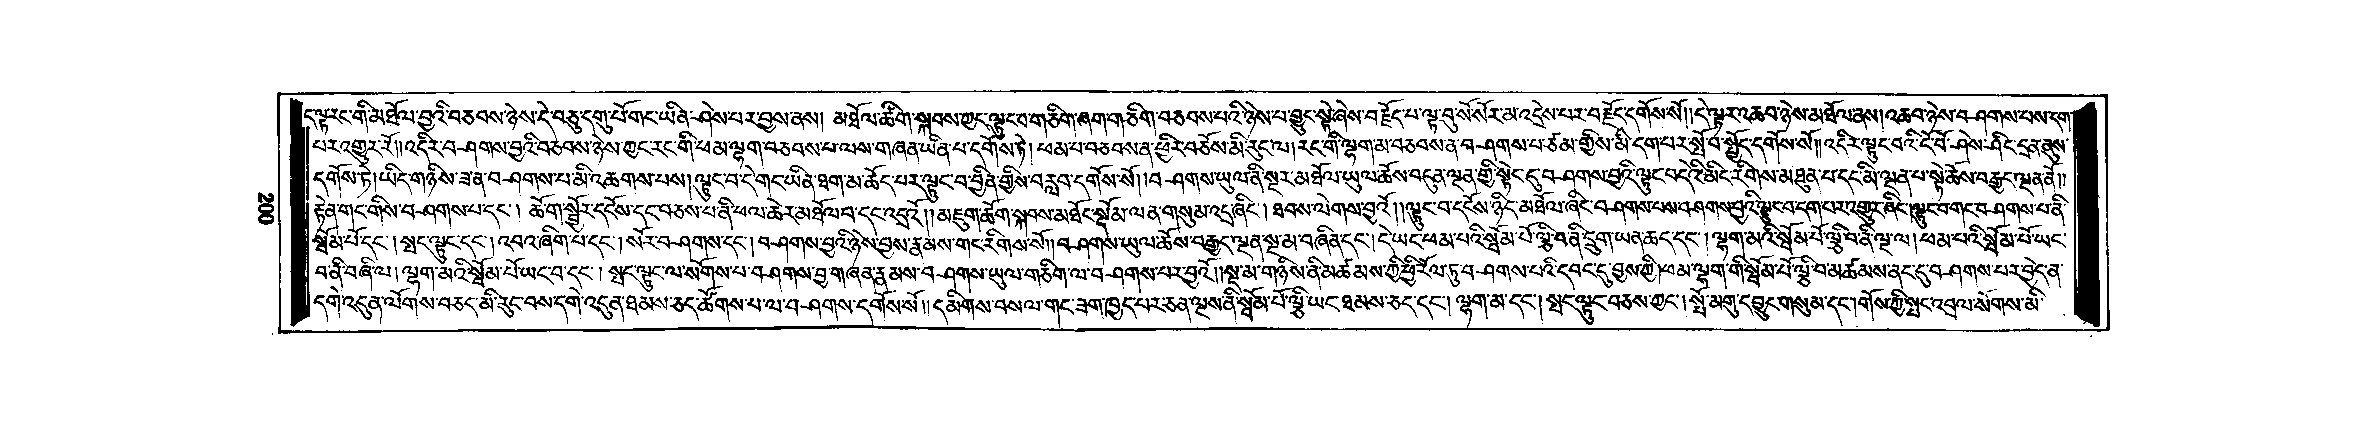ད་ལྟ་རང་གི་མཐོལ་བྱའི་བཅབས་ཉེས་དེ་བཅུ་དགུ་པོ་གང་ཡིན་ཤེས་པར་བྱས་ནས། མཐོལ་ཚིག་སྐབས་ཀྱང་ལྟུང་བ་གཅིག་ཞག་གཅིག་བཅབས་པའི་ཉེས་པ་བྱུང་སྟེ་ཞེས་བརྗོད་པ་ལྟ་བུ་སོ་སོར་མ་འདྲེས་པར་བརྗོད་དགོས་སོ། །དེ་ལྟར་འཆབ་ཉེས་མཐོལ་ནས། འཆབ་ཉེས་བཤགས་པས་དག་
པར་འགྱུར་རོ། །འདིར་བཤགས་བྱའི་བཅབས་ཉེས་ཀྱང་རང་གི་ཕམ་ལྷག་བཅབས་པ་ལས་གཞན་ཡིན་པ་དགོས་ཏེ། ཕམ་པ་བཅབས་ན་ཕྱིར་བཅོས་མི་རུང་ལ། རང་གི་ལྷག་མ་བཅབས་ན་བཤགས་པ་ཙམ་གྱིས་མི་དག་པར་སྤོ་བ་སྤྱོད་དགོས་སོ། །འདིར་ལྟུང་བའི་ངོ་བོ་ཤེས་ཤིང་དྲན་ནུས་
དགོས་ཏེ། ཡིད་གཉིས་ཟ་ན་བཤགས་པ་མི་འཆགས་པས། ལྟུང་བ་དེ་གང་ཡིན་ཐག་མ་ཆོད་པར་ལྟུང་བ་བྱིན་གྱིས་བརླབ་དགོས་སོ། །བཤགས་ཡུལ་ནི་སྔར་མཐོལ་ཡུལ་ཆོས་བདུན་ལྡན་གྱི་སྟེང་དུ་བཤགས་བྱའི་ལྟུང་བདེའི་མིང་རིགས་མཐུན་པ་དང་མི་ལྡན་པ་སྟེ་ཆོས་བརྒྱད་ལྡན་ནོ། །
རྟེན་གང་གིས་བཤགས་པ་དང་། ཆོ་ག་སྦྱོར་དངོས་དང་བཅས་པ་ནི་ཕལ་ཆེར་མཐོལ་བ་དང་འདྲའོ། །མཇུག་ཆོག་སྐབས་མཐོང་སྡོམ་ལན་གསུམ་འདྲ་ཞིང་། ཐབས་ལེགས་བྱའོ། །ལྟུང་བ་དངོས་ཉིད་མཐོལ་ཞིང་བཤགས་པས་བཤགས་བྱའི་ལྟུང་བ་དག་པར་འགྱུར་ཞིང་། ལྟུང་བ་གང་བཤགས་པ་ནི་
སྦོམ་པོ་དང་། སྤང་ལྟུང་དང་། འབའ་ཞིག་པ་དང་། སོར་བཤགས་དང་། བཤགས་བྱའི་ཉེས་བྱས་རྣམས་གང་རིགས་སོ། །བཤགས་ཡུལ་ཆོས་བརྒྱད་ལྡན་སྔ་མ་བཞིན་དང་། དེ་ཡང་ཕམ་པའི་སྦོམ་པོ་ལྕི་བ་ནི་དྲུག་ཡན་ཆད་དང་། ལྷག་མའི་སྦོམ་པོ་ལྕི་བ་ནི་ལྔ་ལ། ཕམ་པའི་སྦོམ་པོ་ཡང་
བ་ནི་བཞི་ལ། ལྷག་མའི་སྦོམ་པོ་ཡང་བ་དང་། སྤང་ལྟུང་ལ་སོགས་པ་བཤགས་བྱ་གཞན་རྣམས་བཤགས་ཡུལ་གཅིག་ལ་བཤགས་པར་བྱའོ། །སྔ་མ་གཉིས་ནི་མཚམས་ཀྱི་ཕྱི་རོལ་ཏུ་བཤགས་པའི་དབང་དུ་བྱས་ཀྱི། ཕམ་ལྷག་གི་སྦོམ་པོ་ལྕི་བ་མཚམས་ནང་དུ་བཤགས་པར་བྱེད་ན་
དགེ་འདུན་ལོགས་བཅད་མི་རུང་བས་དགེ་འདུན་ཐམས་ཅད་ཚོགས་པ་ལ་བཤགས་དགོས་སོ། །དམིགས་བསལ་གང་ཟག་ཁྱད་པར་ཅན་ལྔས་ནི་སྦོམ་པོ་ལྕི་ཡང་ཐམས་ཅད་དང་། ལྷག་མ་དང་། སྤང་ལྟུང་བཅས་ཀྱང་། སྤོ་མགུ་དབྱུང་གསུམ་དང་། གོས་ཀྱི་སྤང་འབྲལ་སོགས་མི་